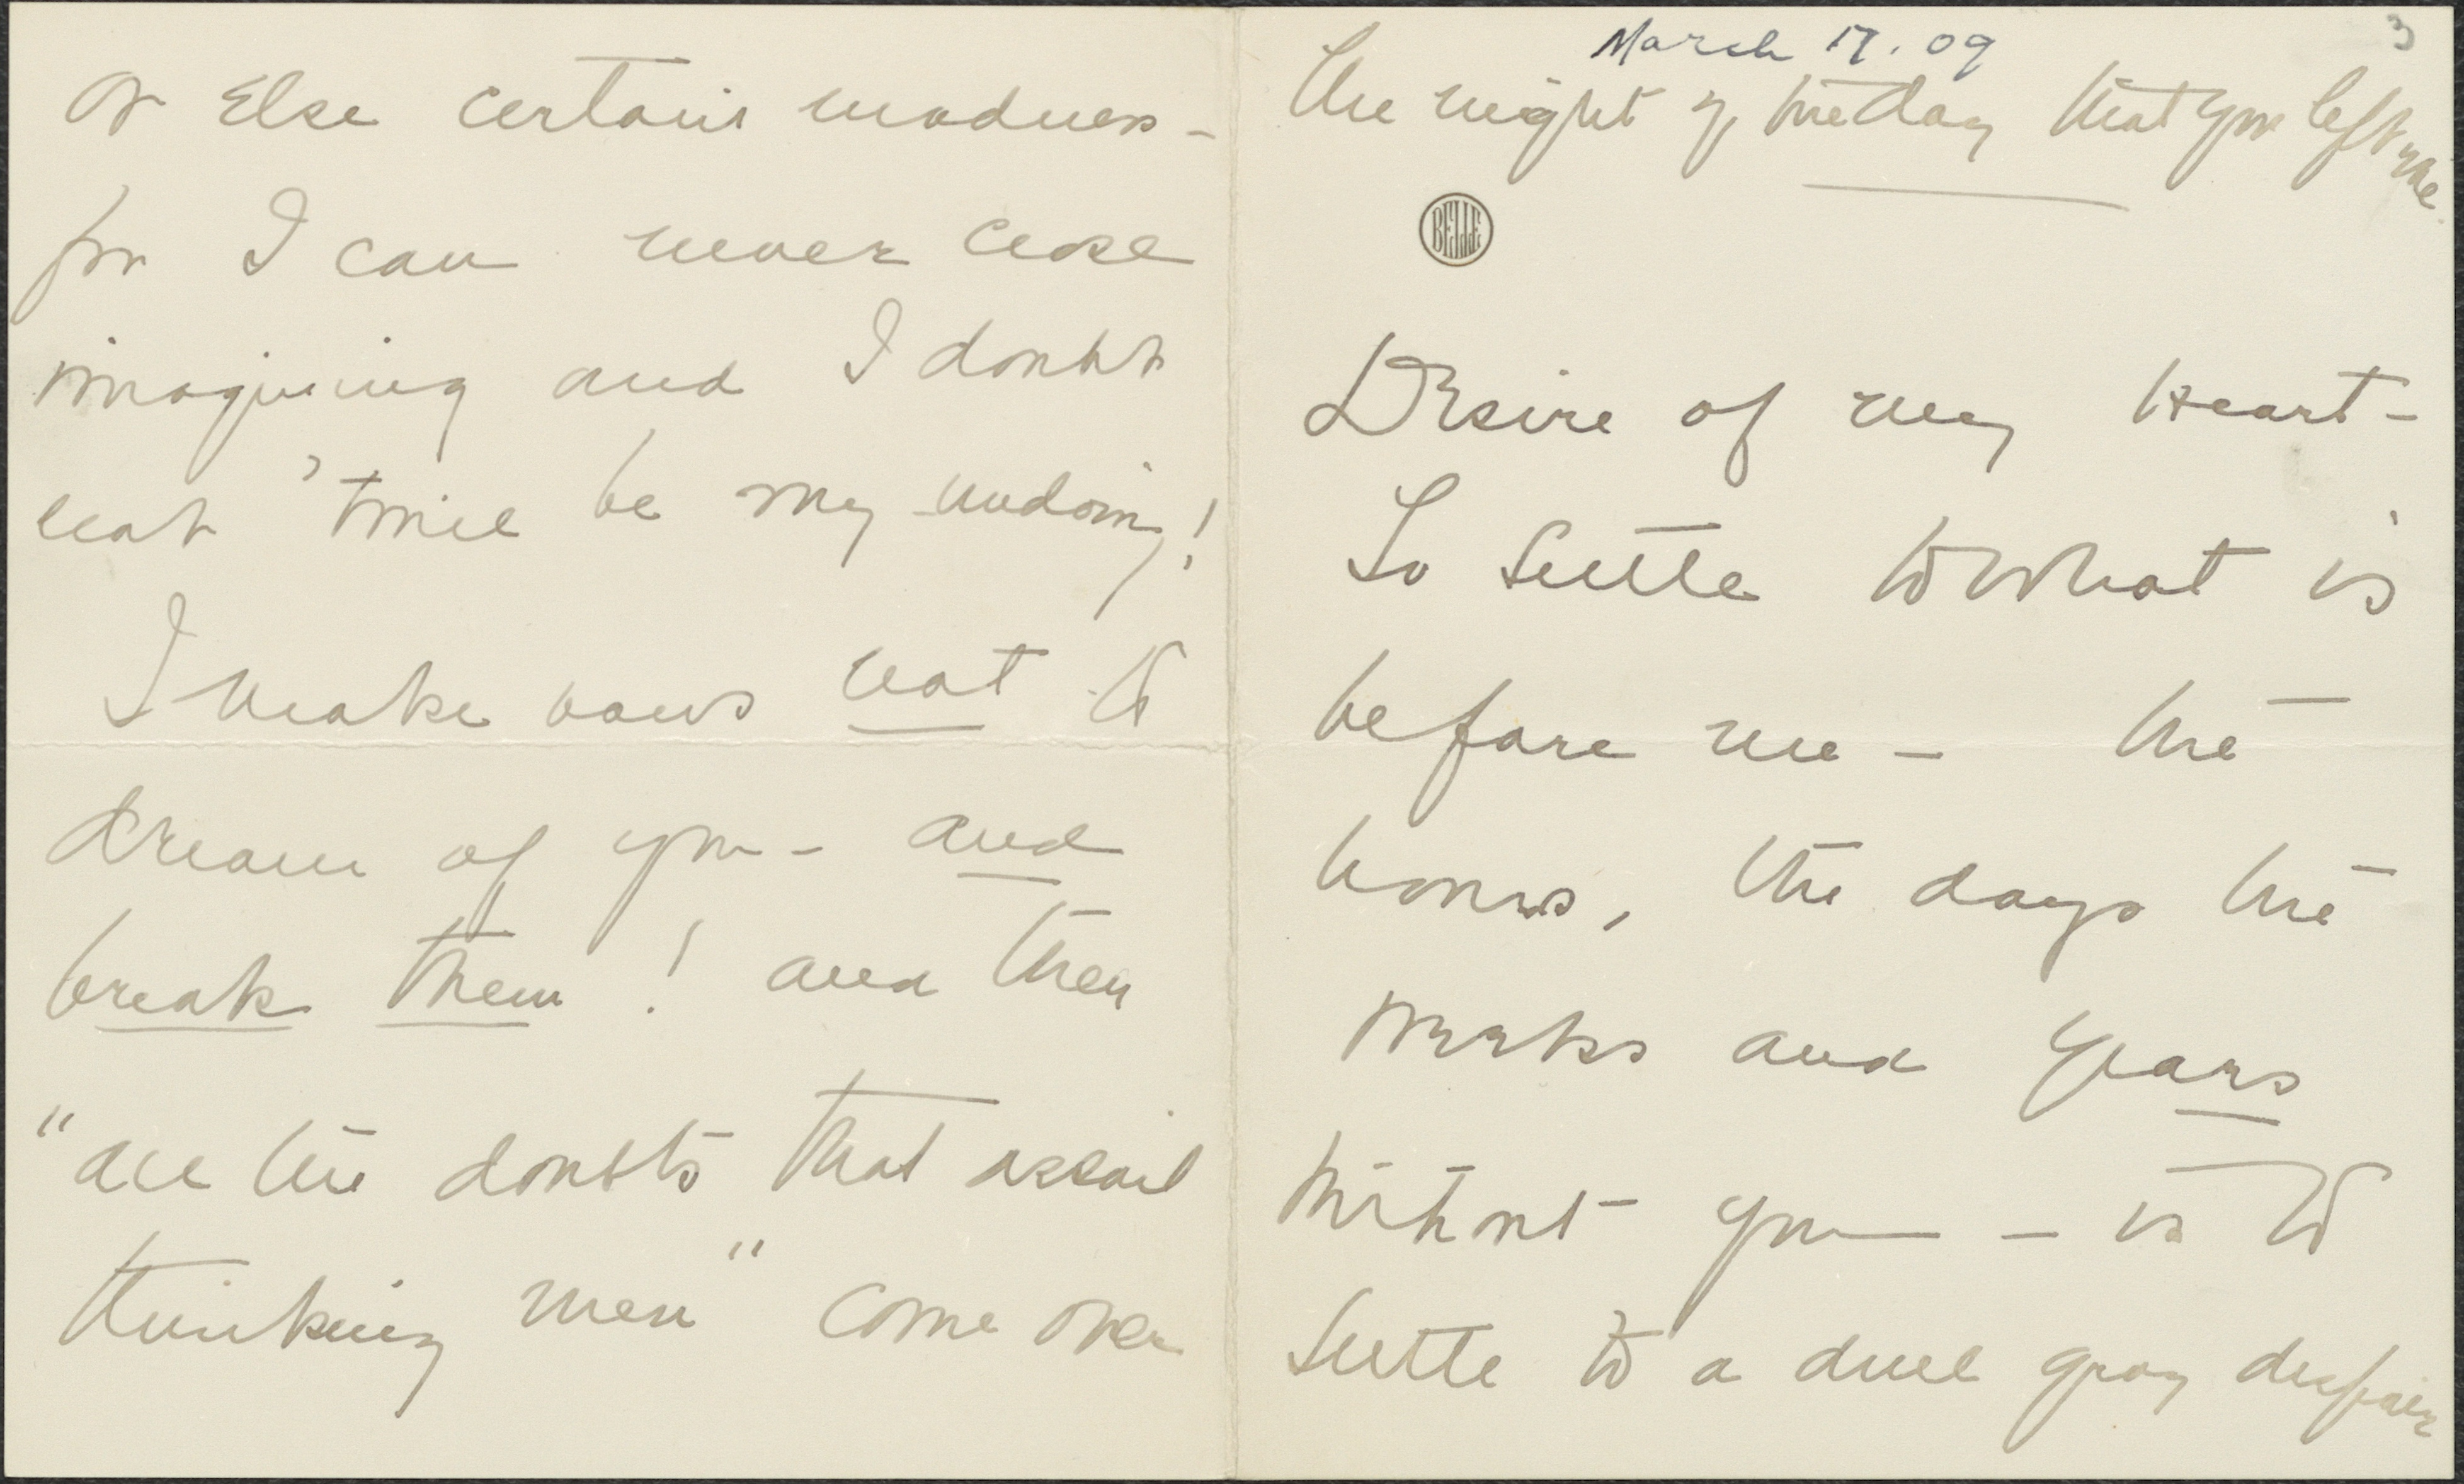The night of the day that you left me.
Desire of my Heart –
To settle to what is before me – the hours, the days the weeks and years without you – is to settle to a dull gray despair
or else certain madness – for I can never cease imagining and I doubt not ‘twil be my undoing!
I make vows not to dream of you – and break them! and then “all the doubts that assail thinking men” come over